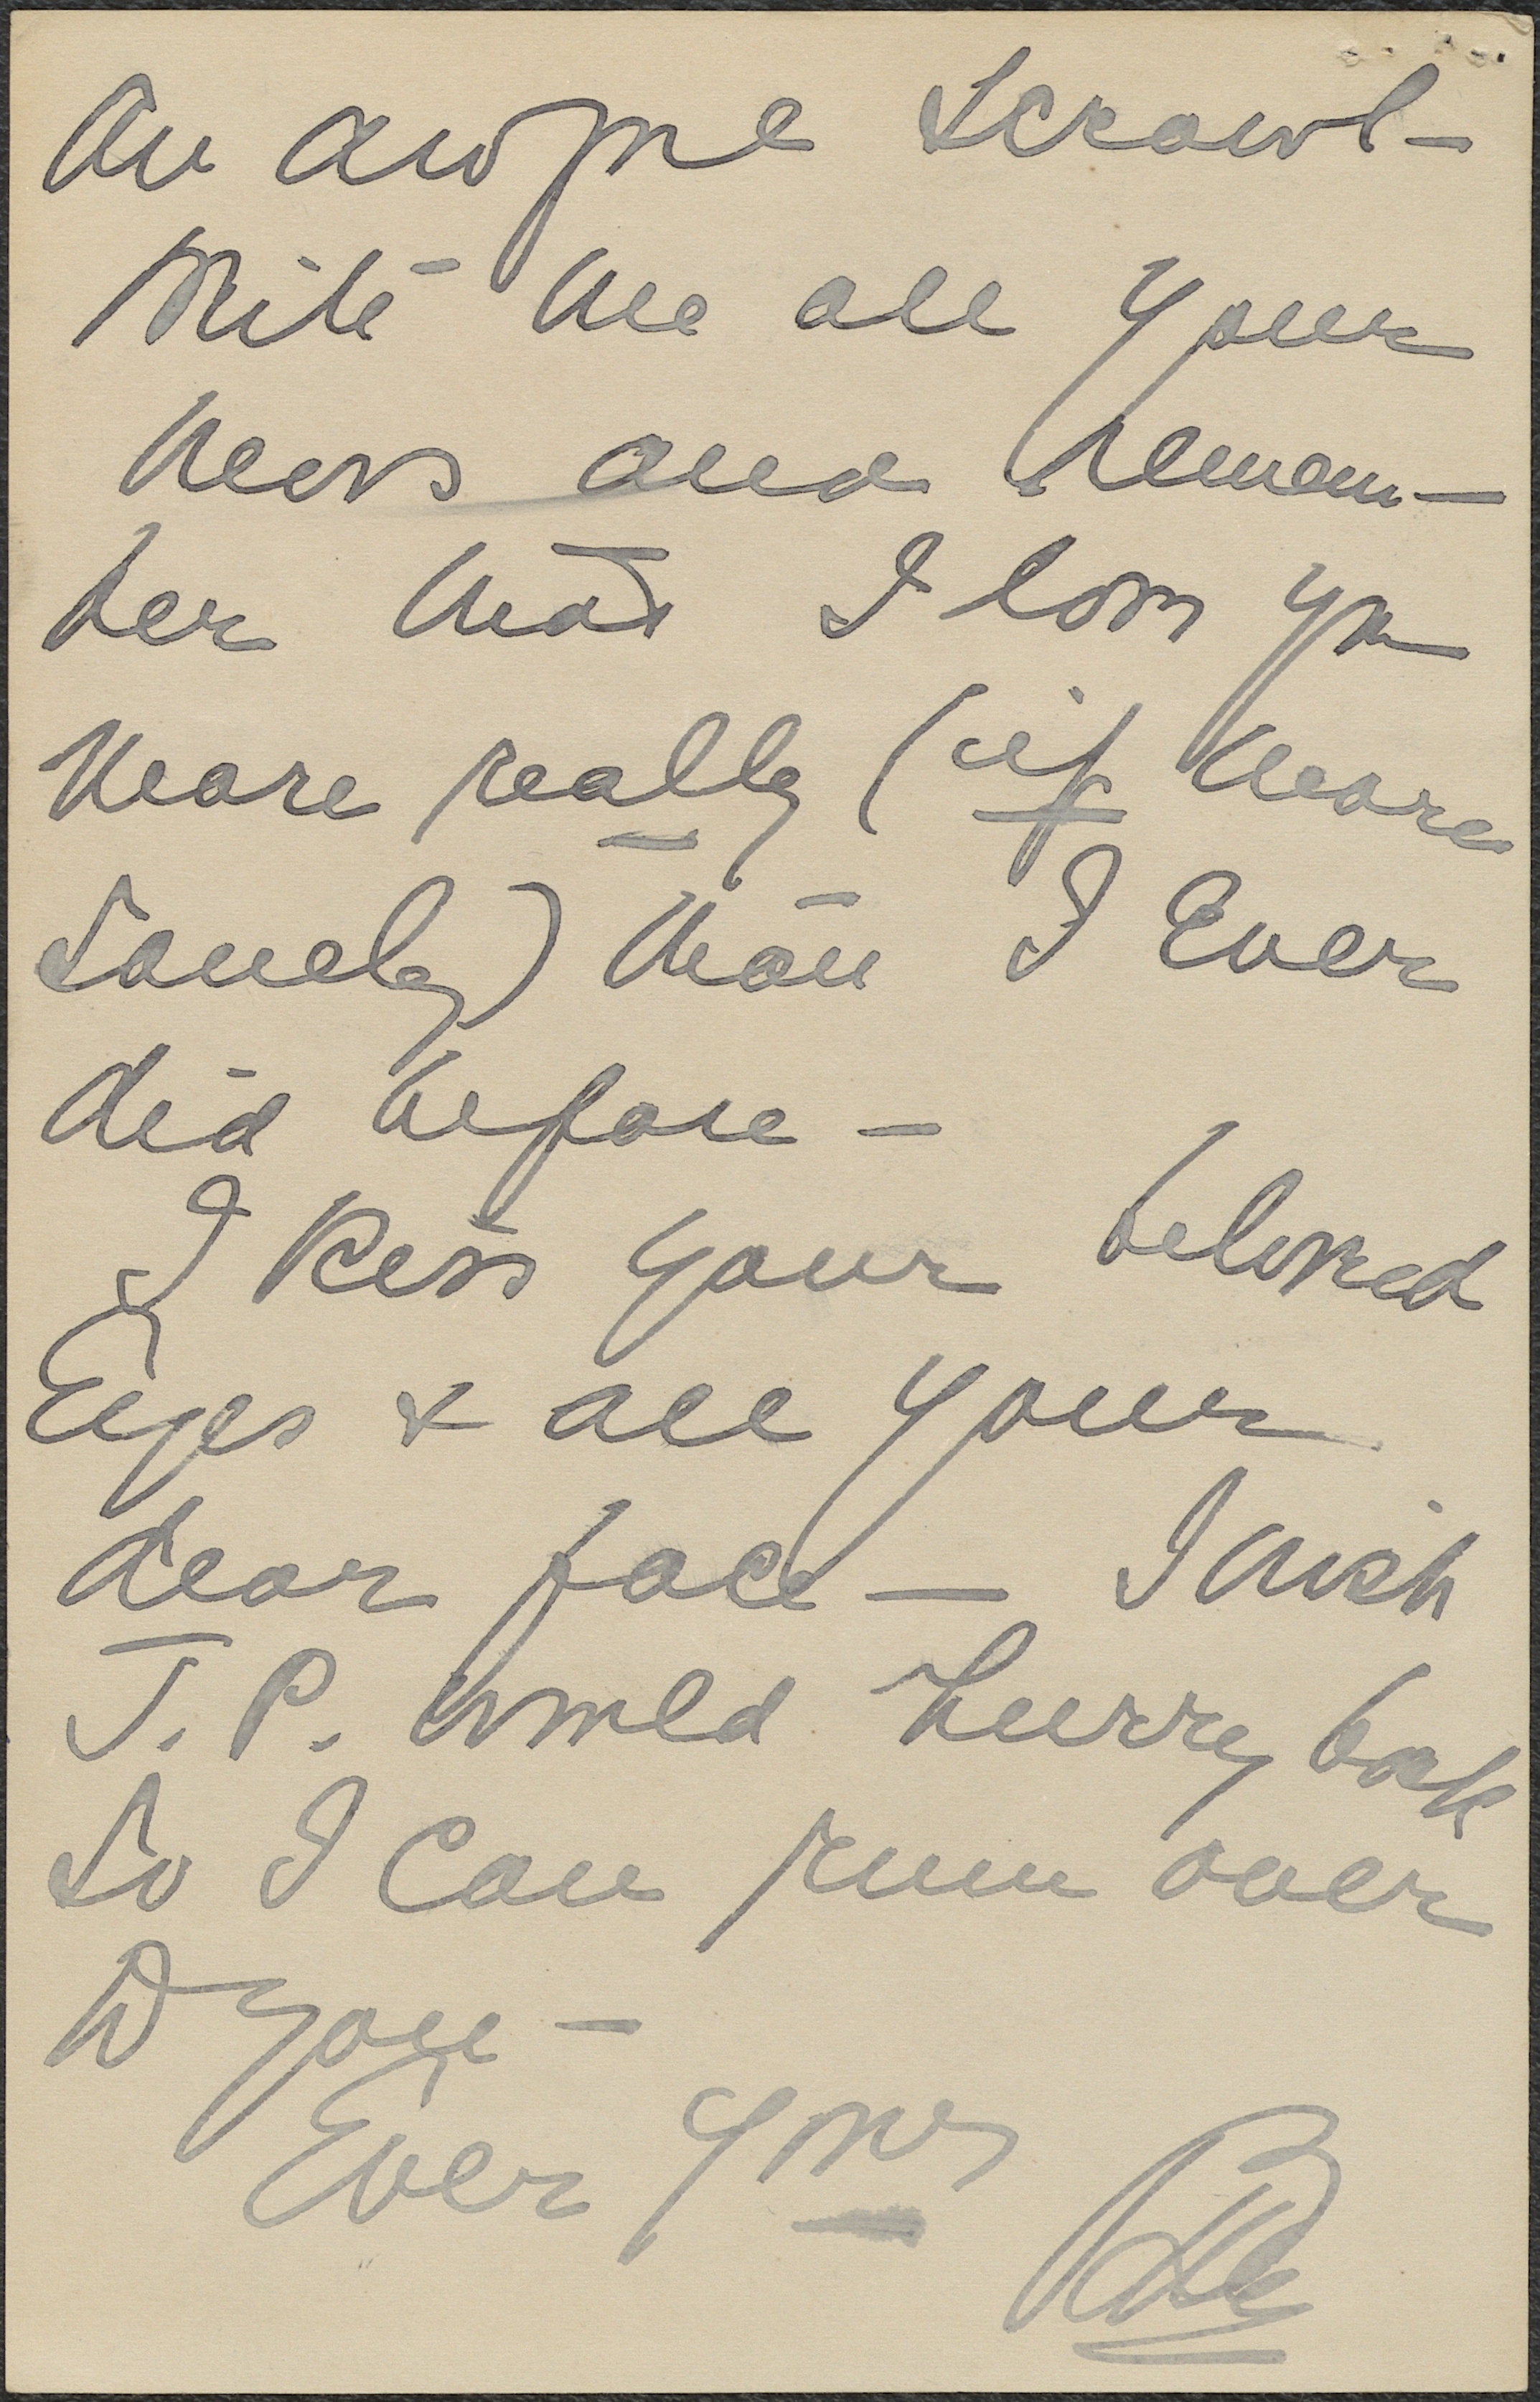an awful scrawl – Write me all your news and remember that I love you more really (if more sanely) than I ever did before –
I kiss your beloved eyes & all your dear face – I wish J. P. would hurry back so I can run over to you –
Ever Your Belle